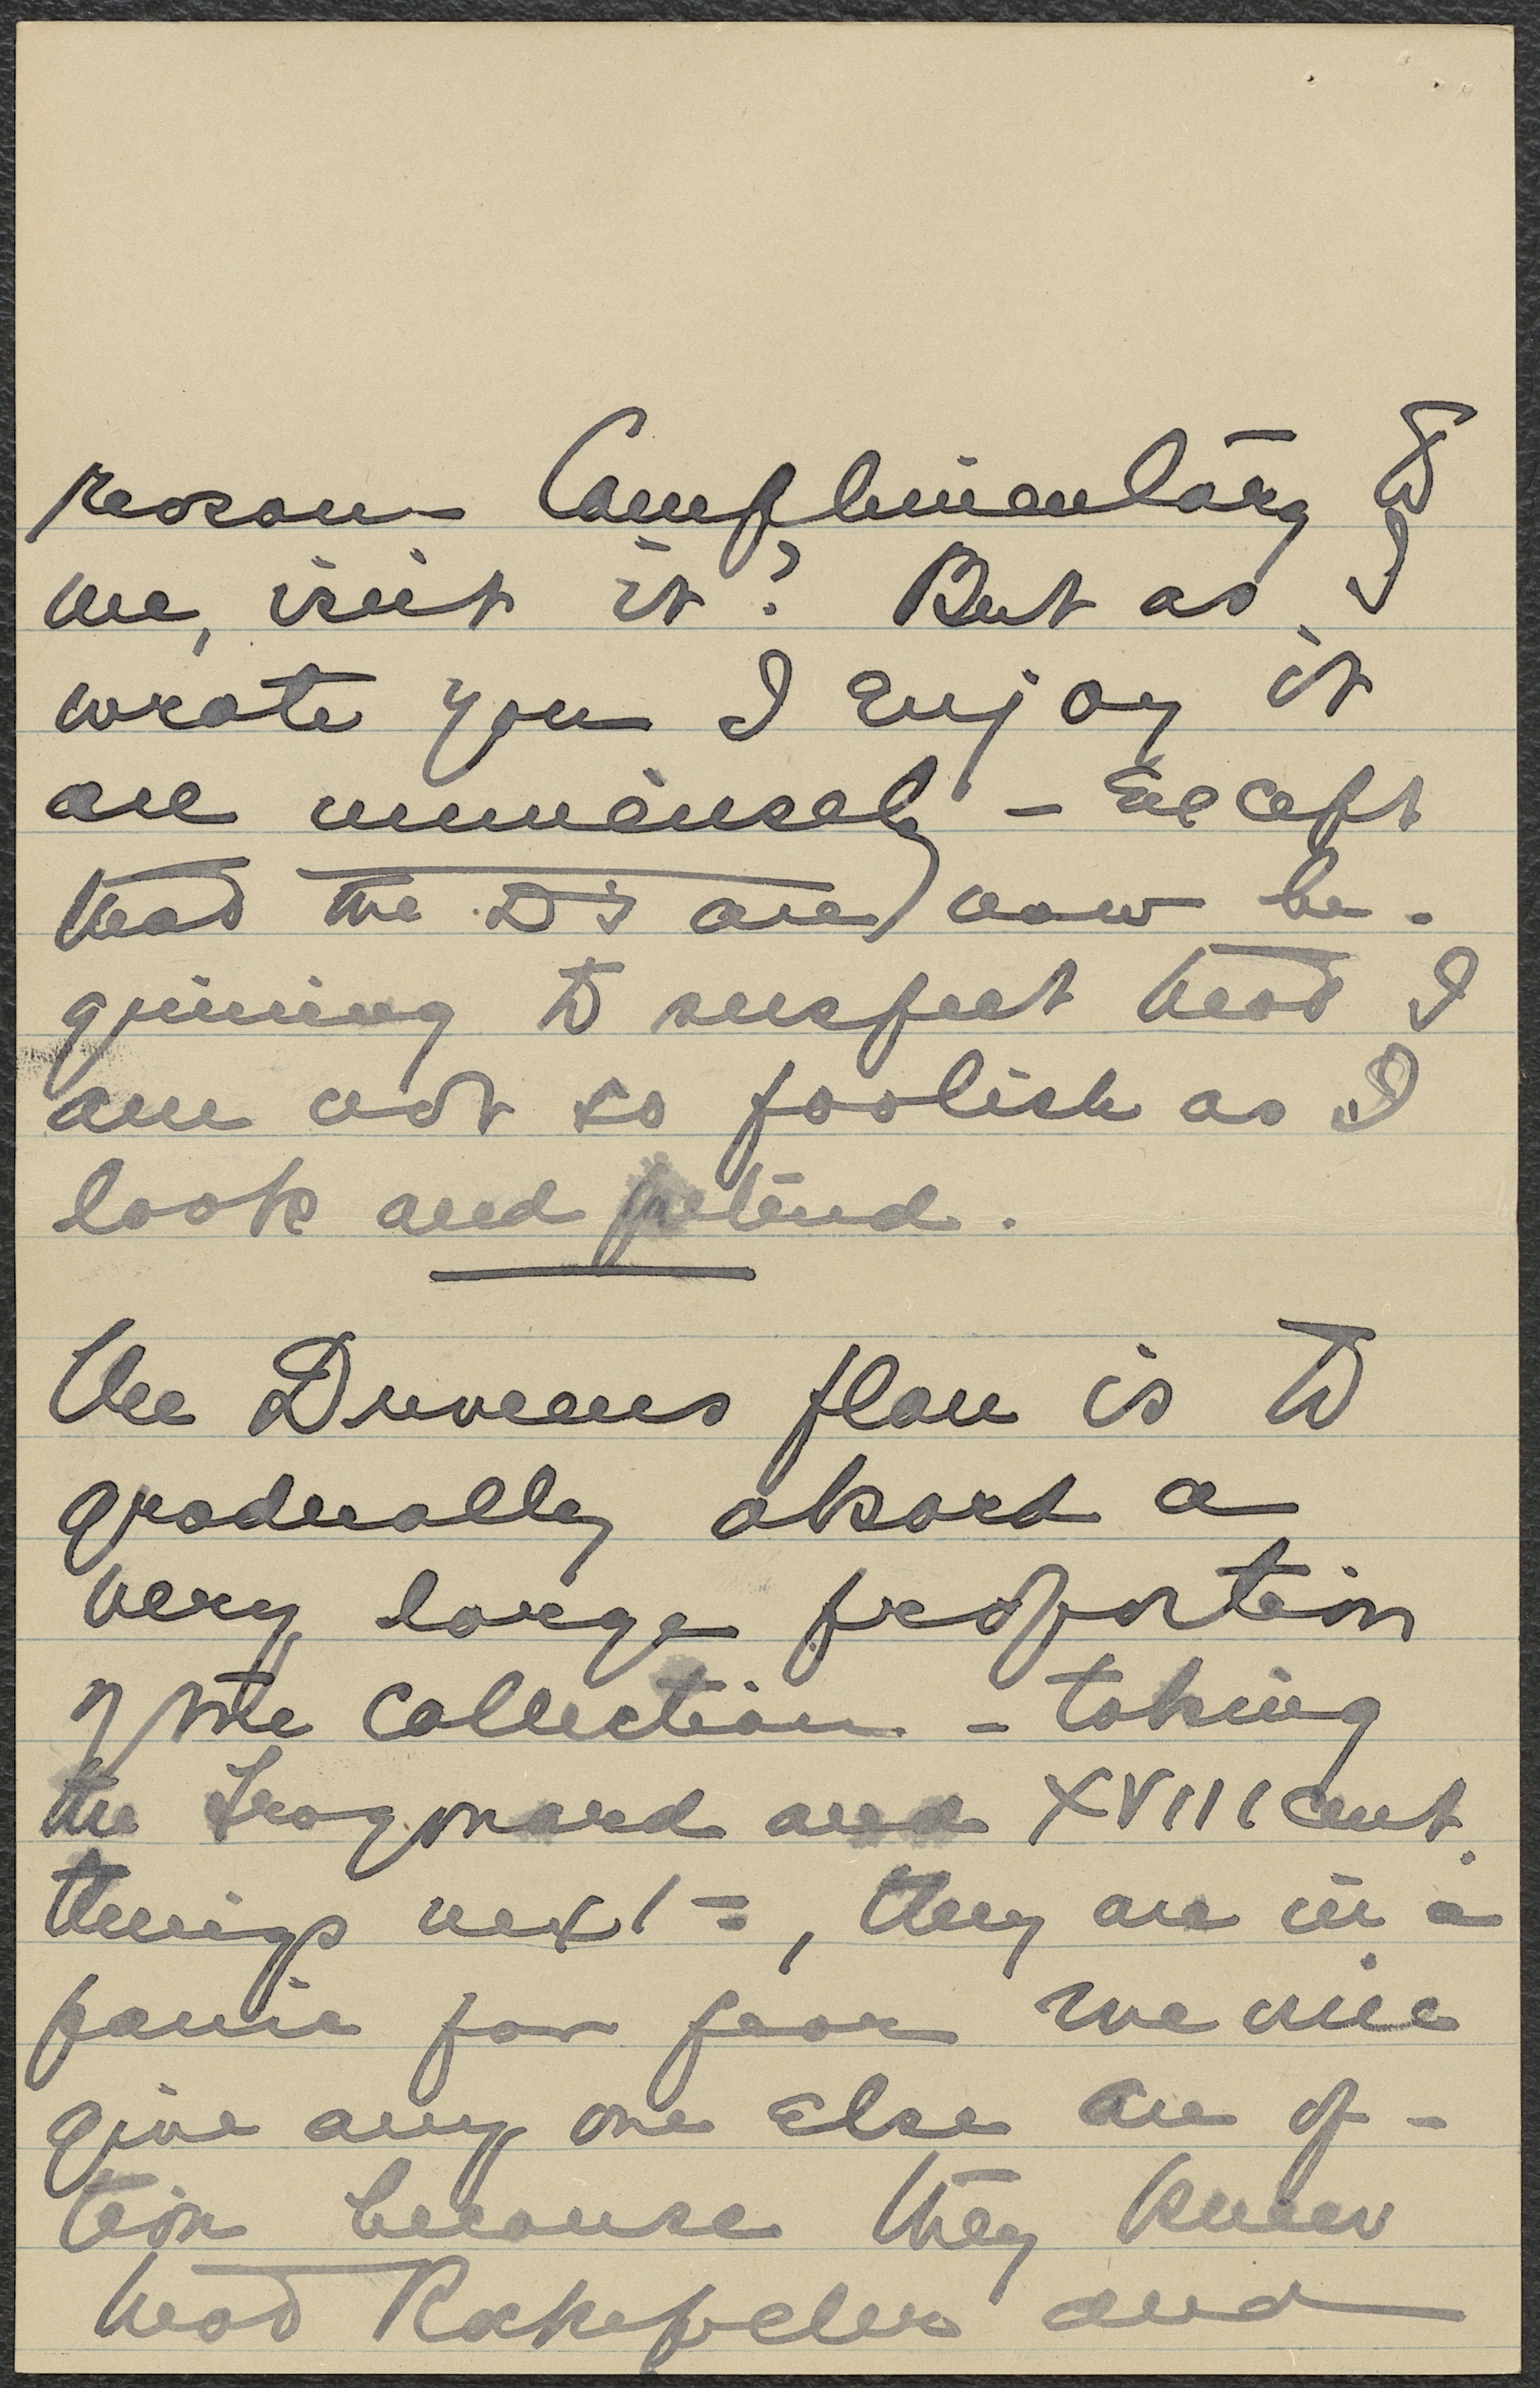reason – Complimentary to me, isn’t it? But as I wrote you I enjoy it all immensely – except that the D’s are now beginning to suspect that I am not so foolish as I look and pretend.
The Duveens plan is to gradually absorb a very large proportion of the collection – taking the Fragonard and XVIII cent. things next – , they are in a panic for fear we will give any one else an option because they knew that Rockefeller and